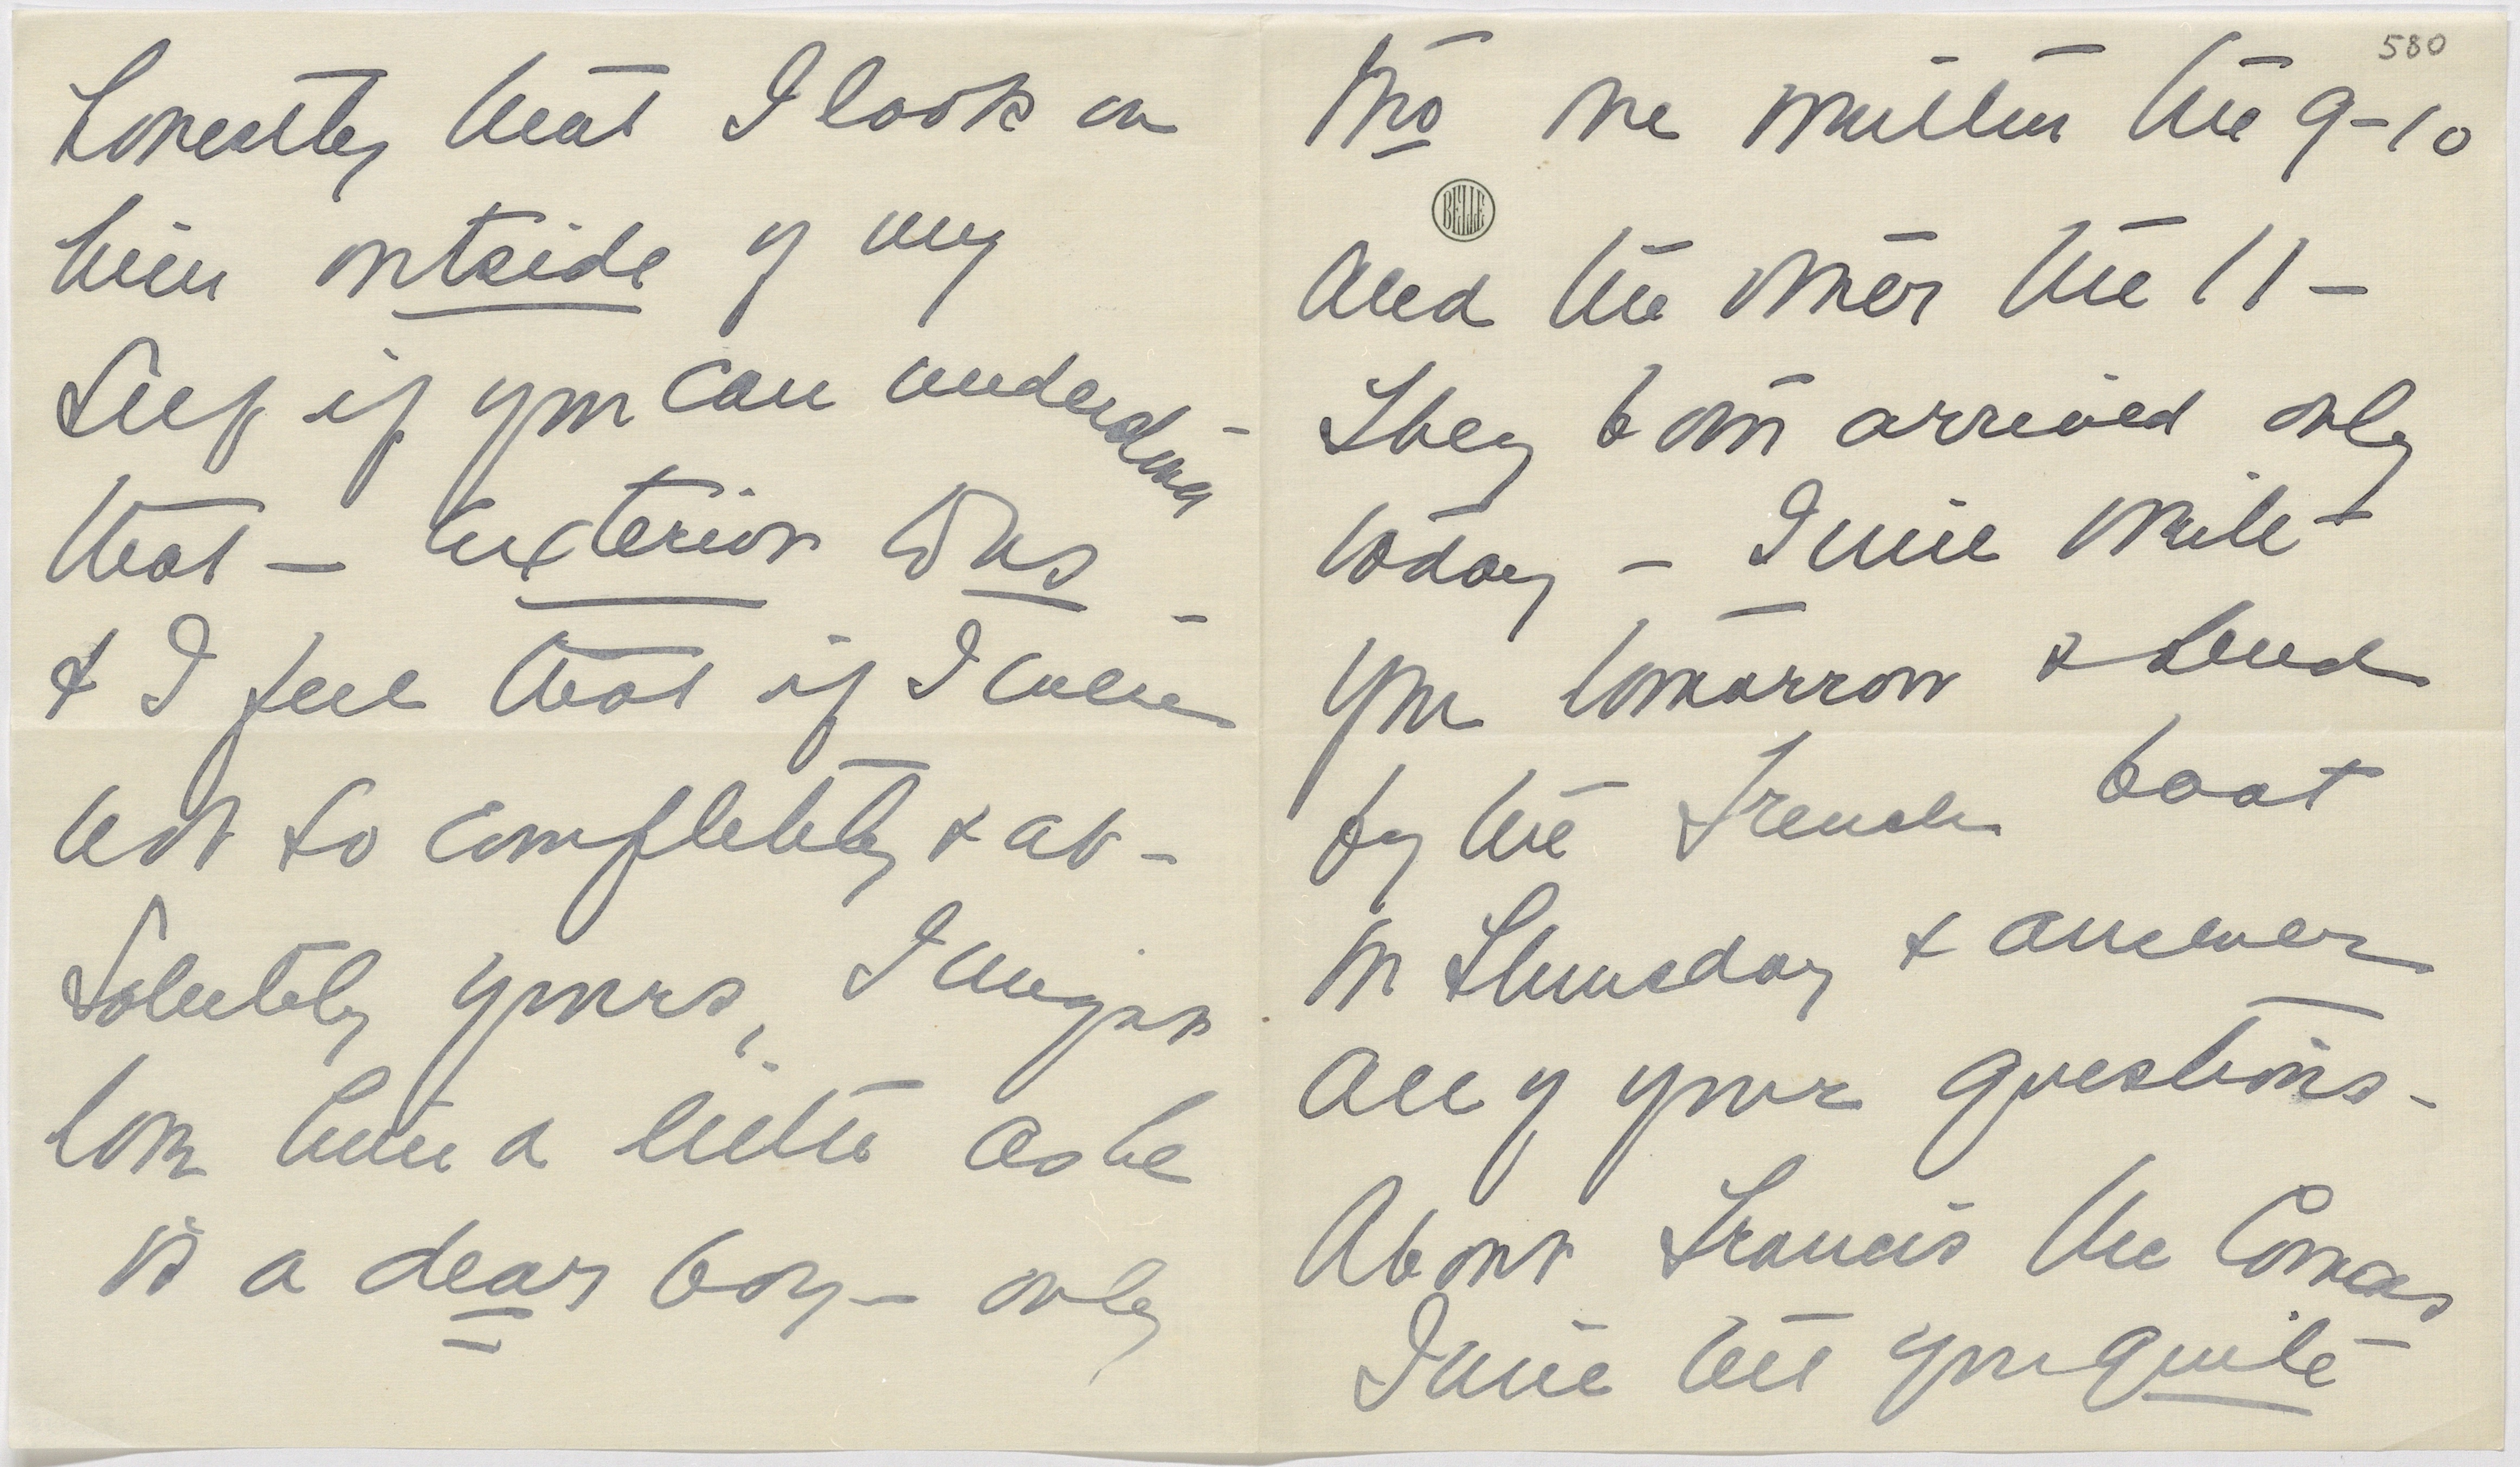two one written the 9-10 and the other the 11 – They both arrived only today – I will write you tomorrow & send by the French boat on Thursday & answer all of your questions – about Francis McComas I will tell you quite
honestly that I look on him outside of my self if you can understand that – exterior to us – & I feel that if I were not so completely & absolutely yours, I might love him a little as he is a [double underlined: dear] boy – only